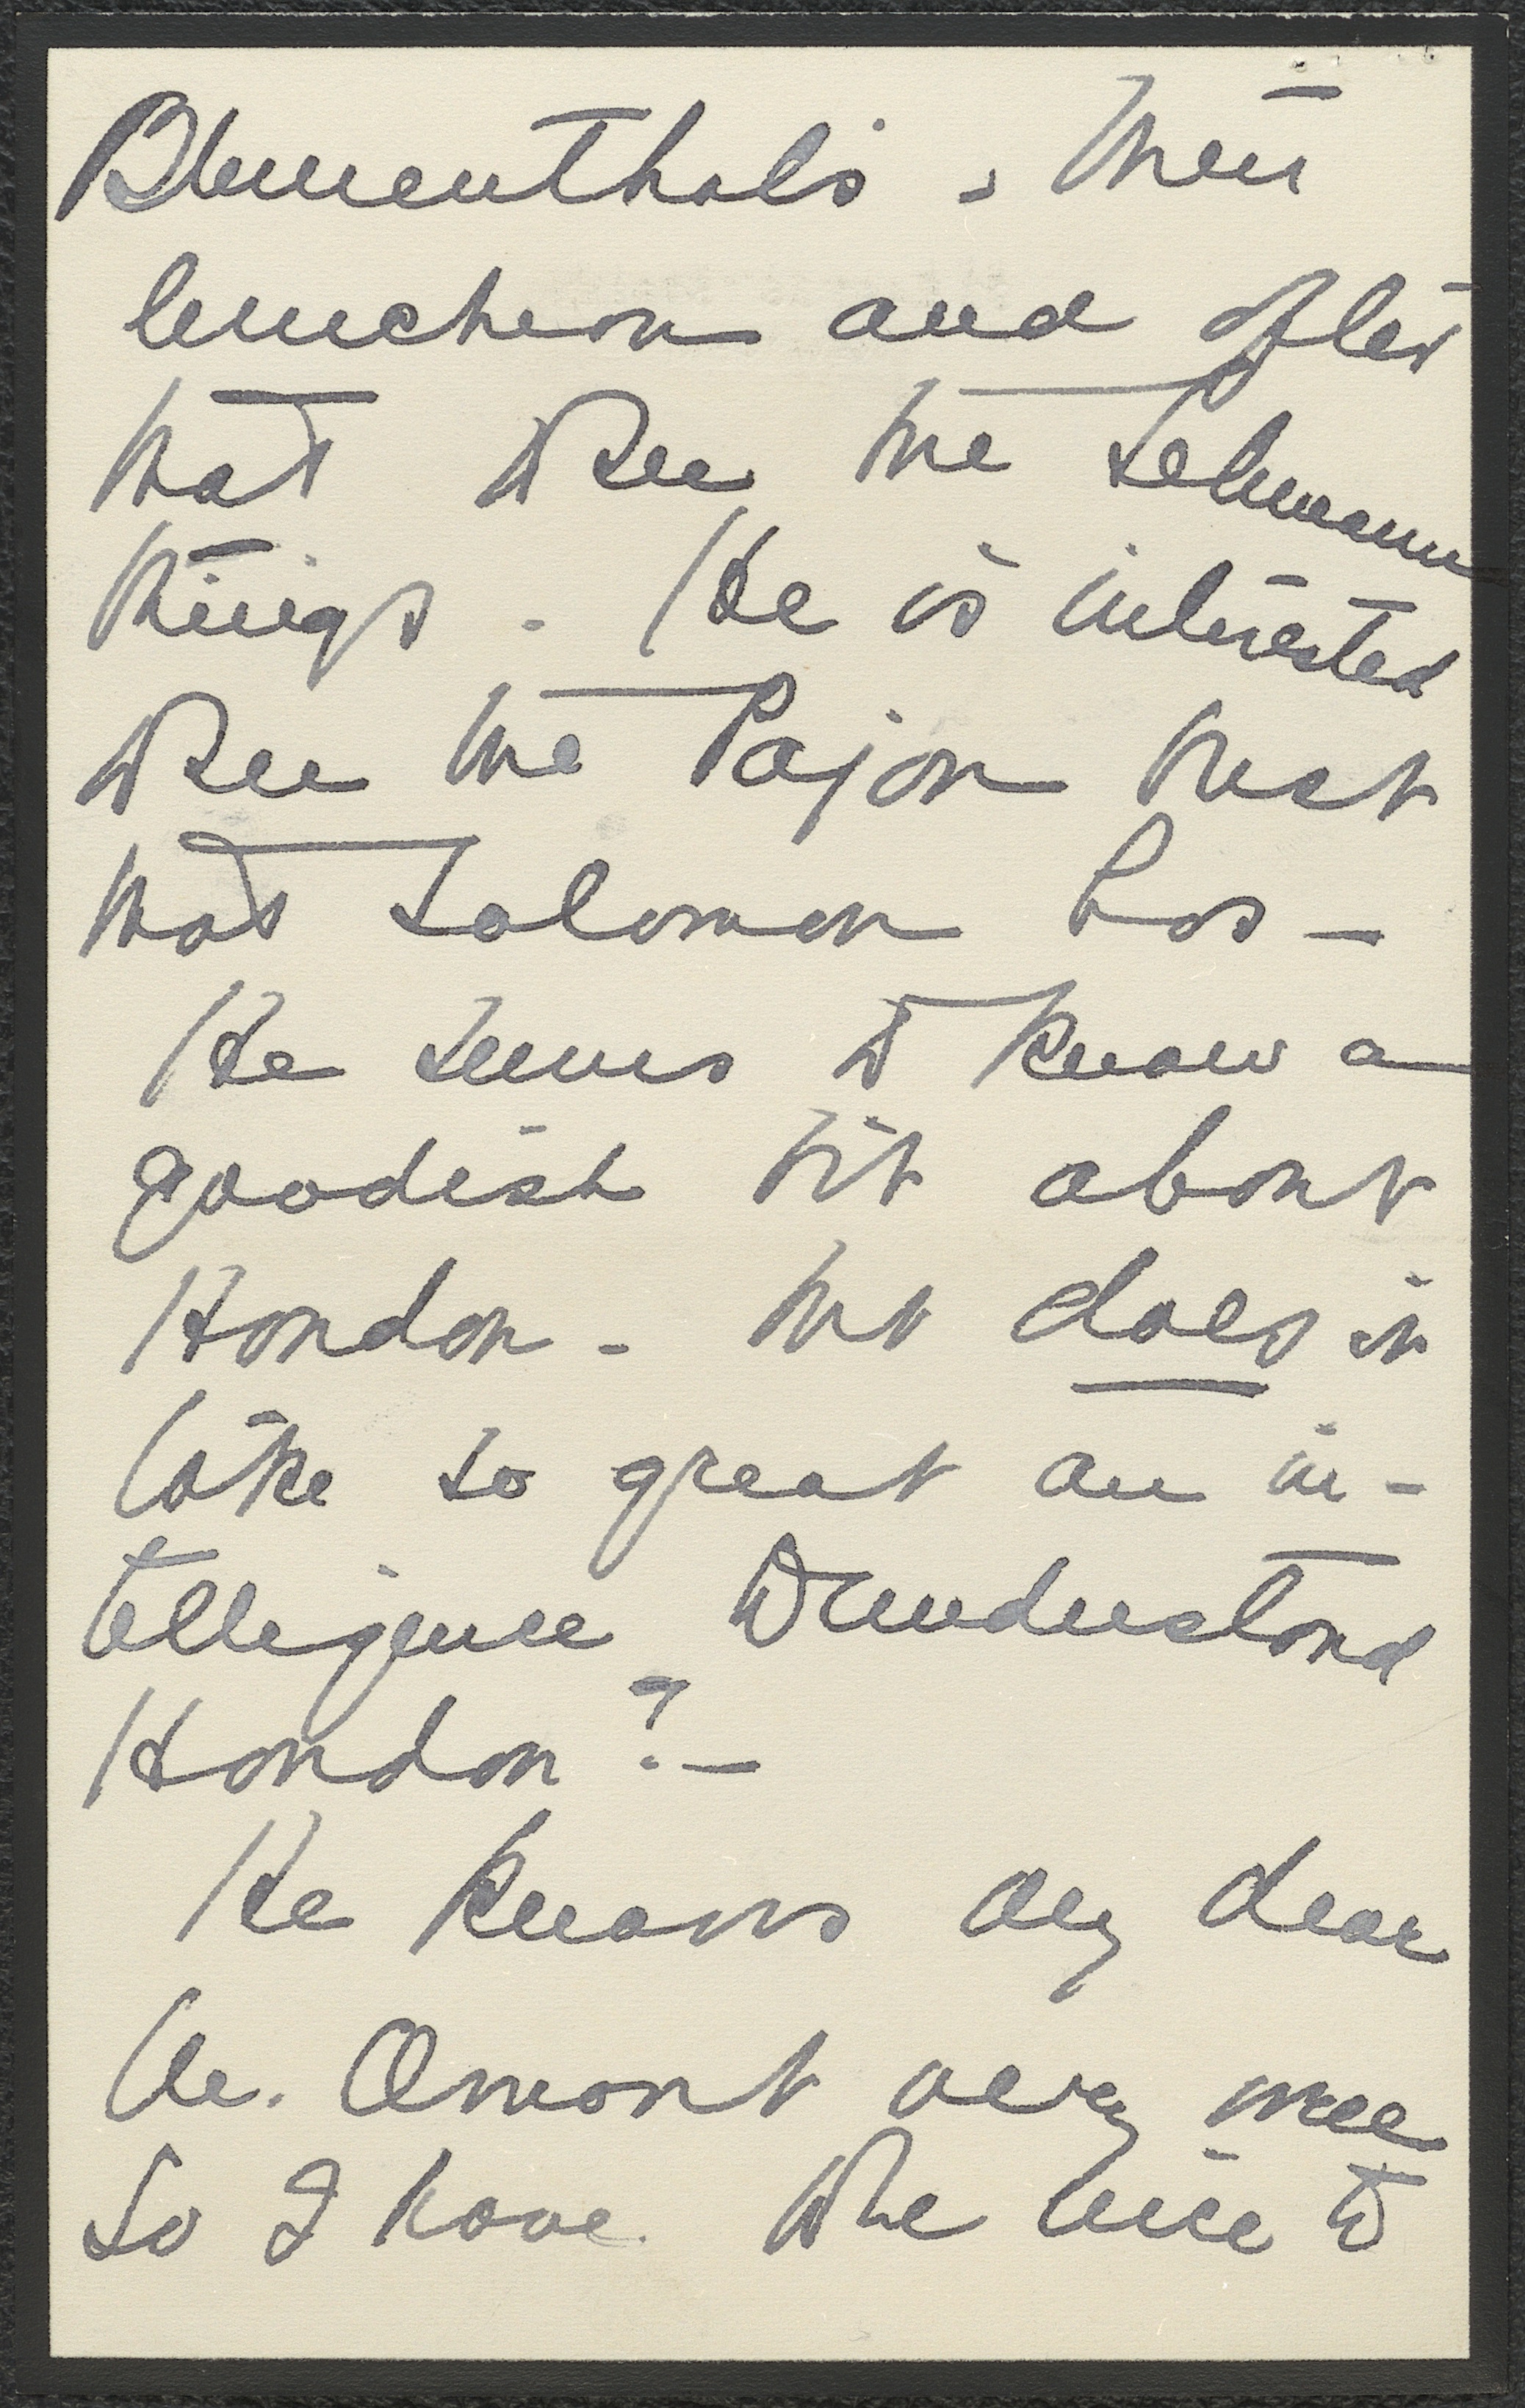Blumenthal’s – Then luncheon and after that to see the Lehmann things. He is interested to see the Pajon bust that Solomon has –
He seems to know a goodish bit about Houdon – but does it take so great an intelligence to understand Houdon? –
He knows my dear M. Omont very well so I have to be nice to